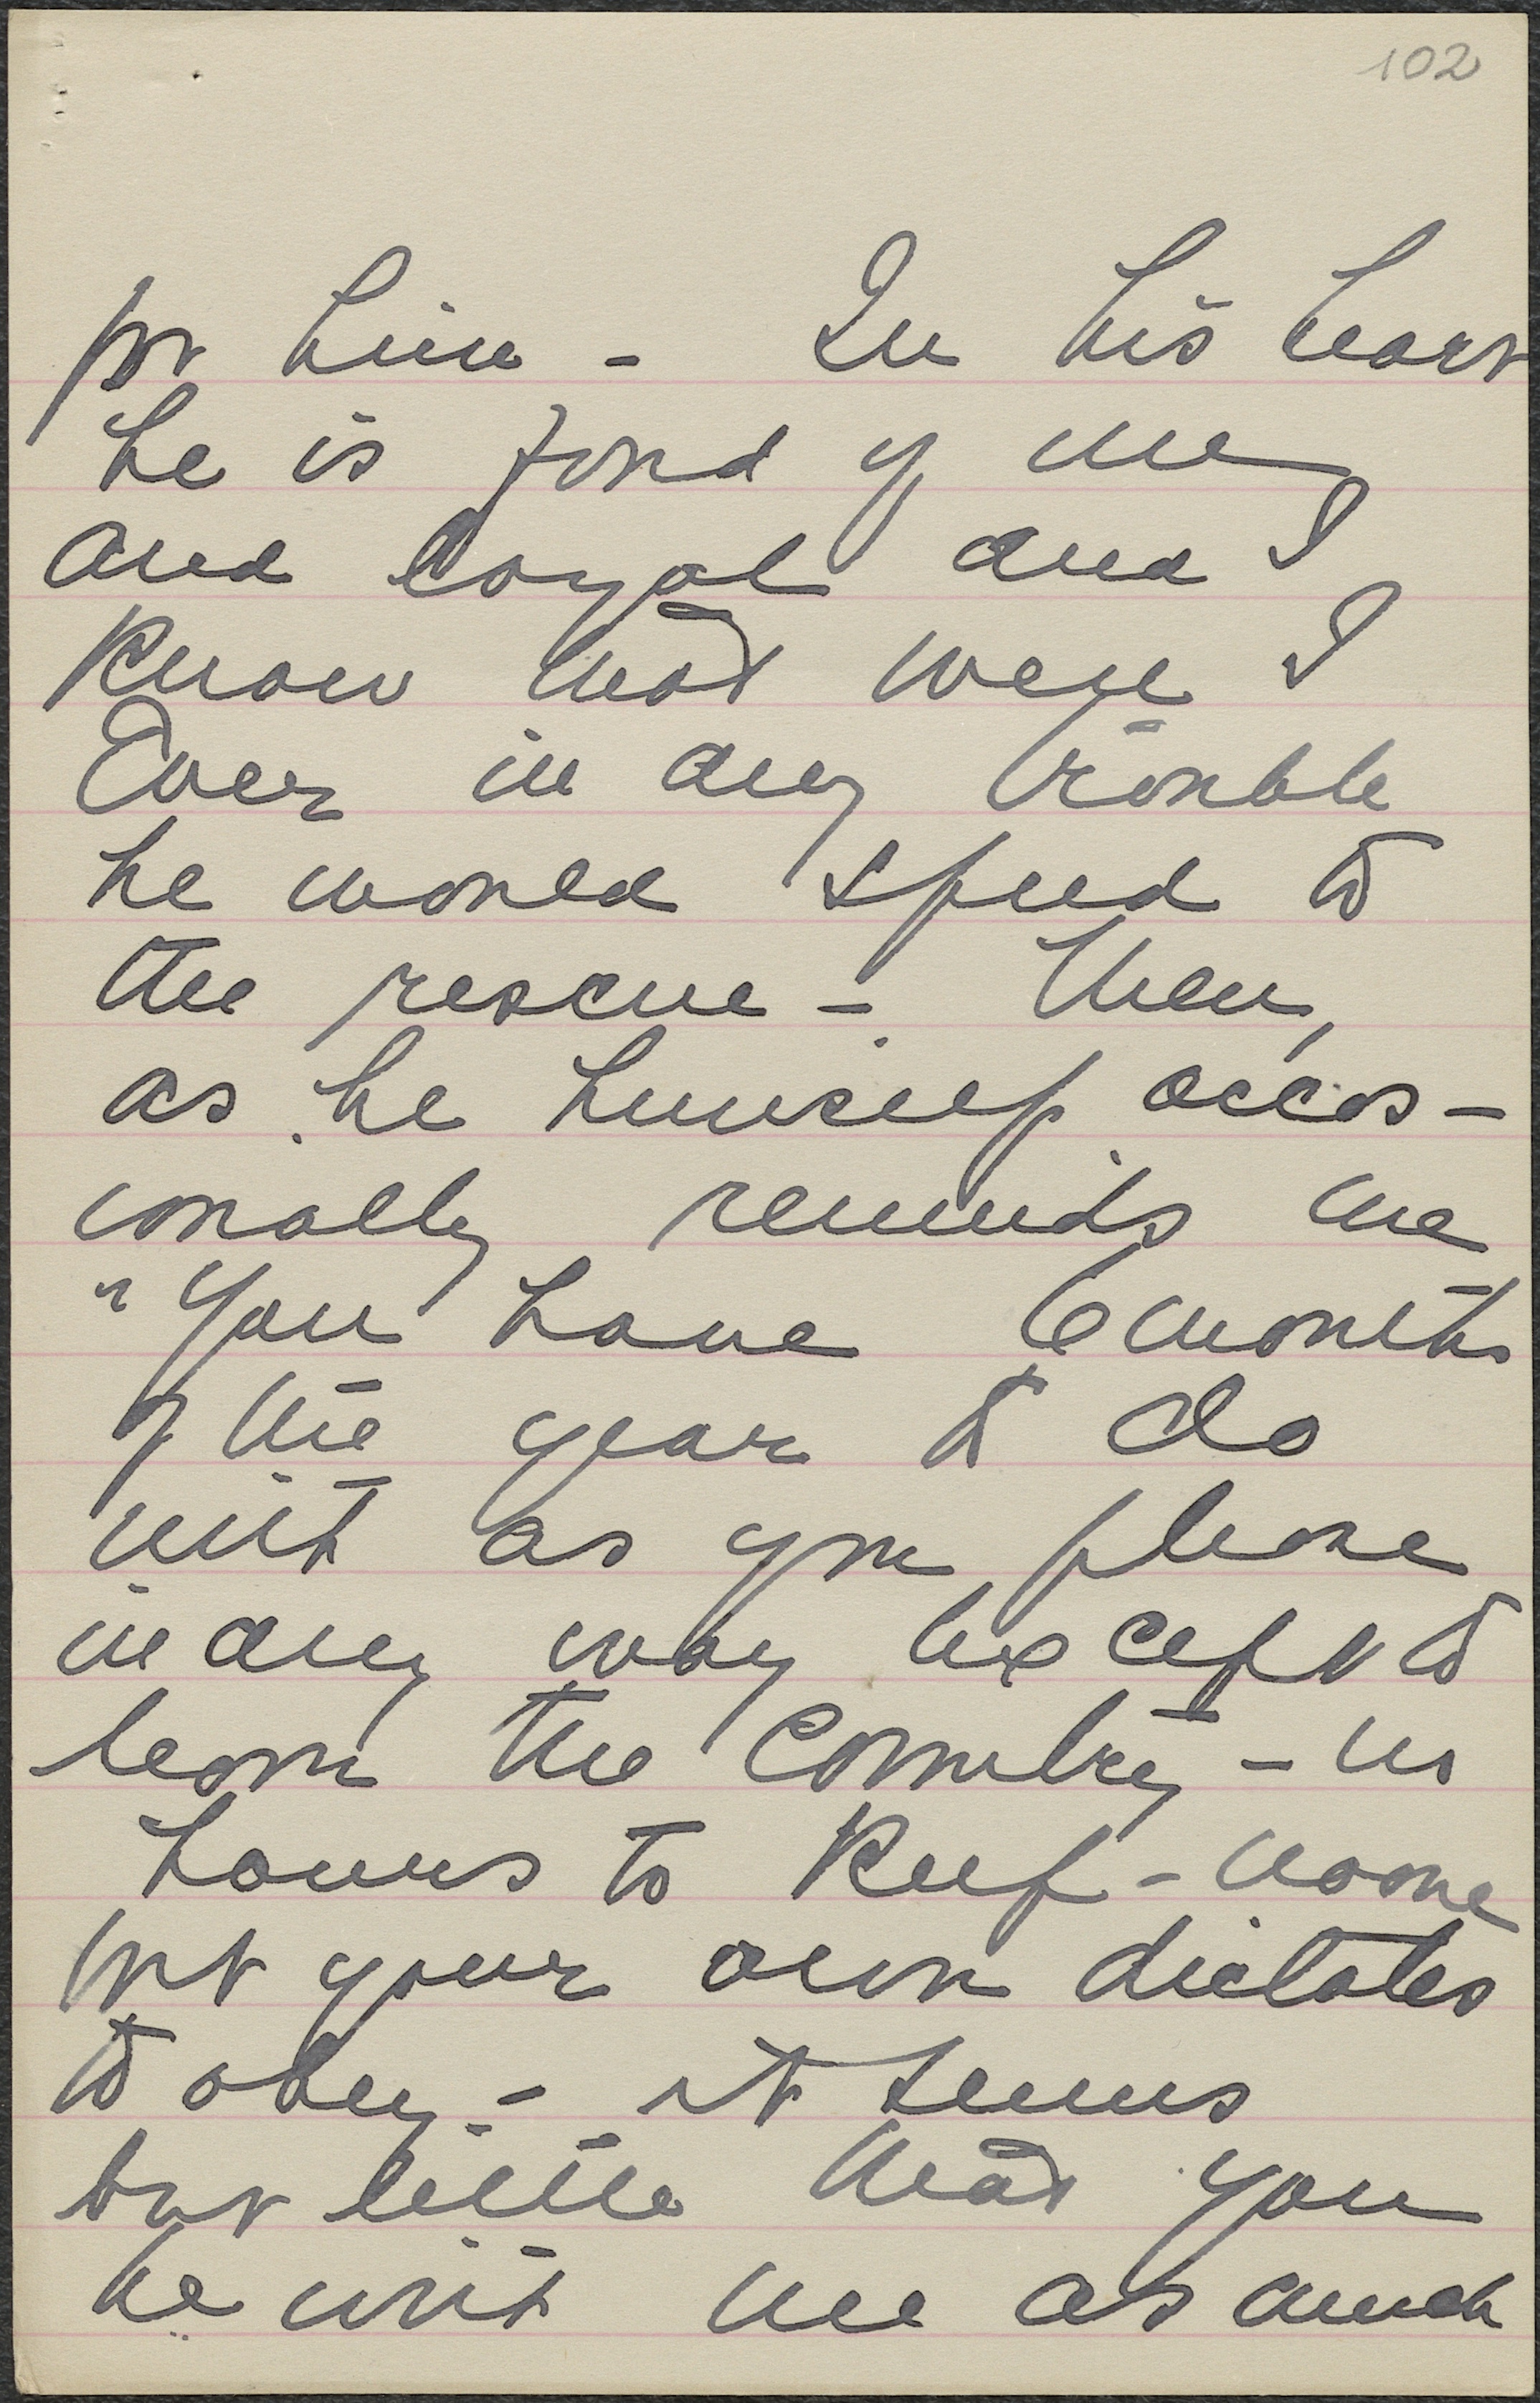for him – In his heart he is fond of me and loyal and I know that were I ever in any trouble he would speed to the rescue – Then, as he himself occasionally reminds me “you have 6 months of the year to do with as you please in any way except to leave the country – no hours to keep – no one but your own dictates to obey – it seems but little that you be with me as much